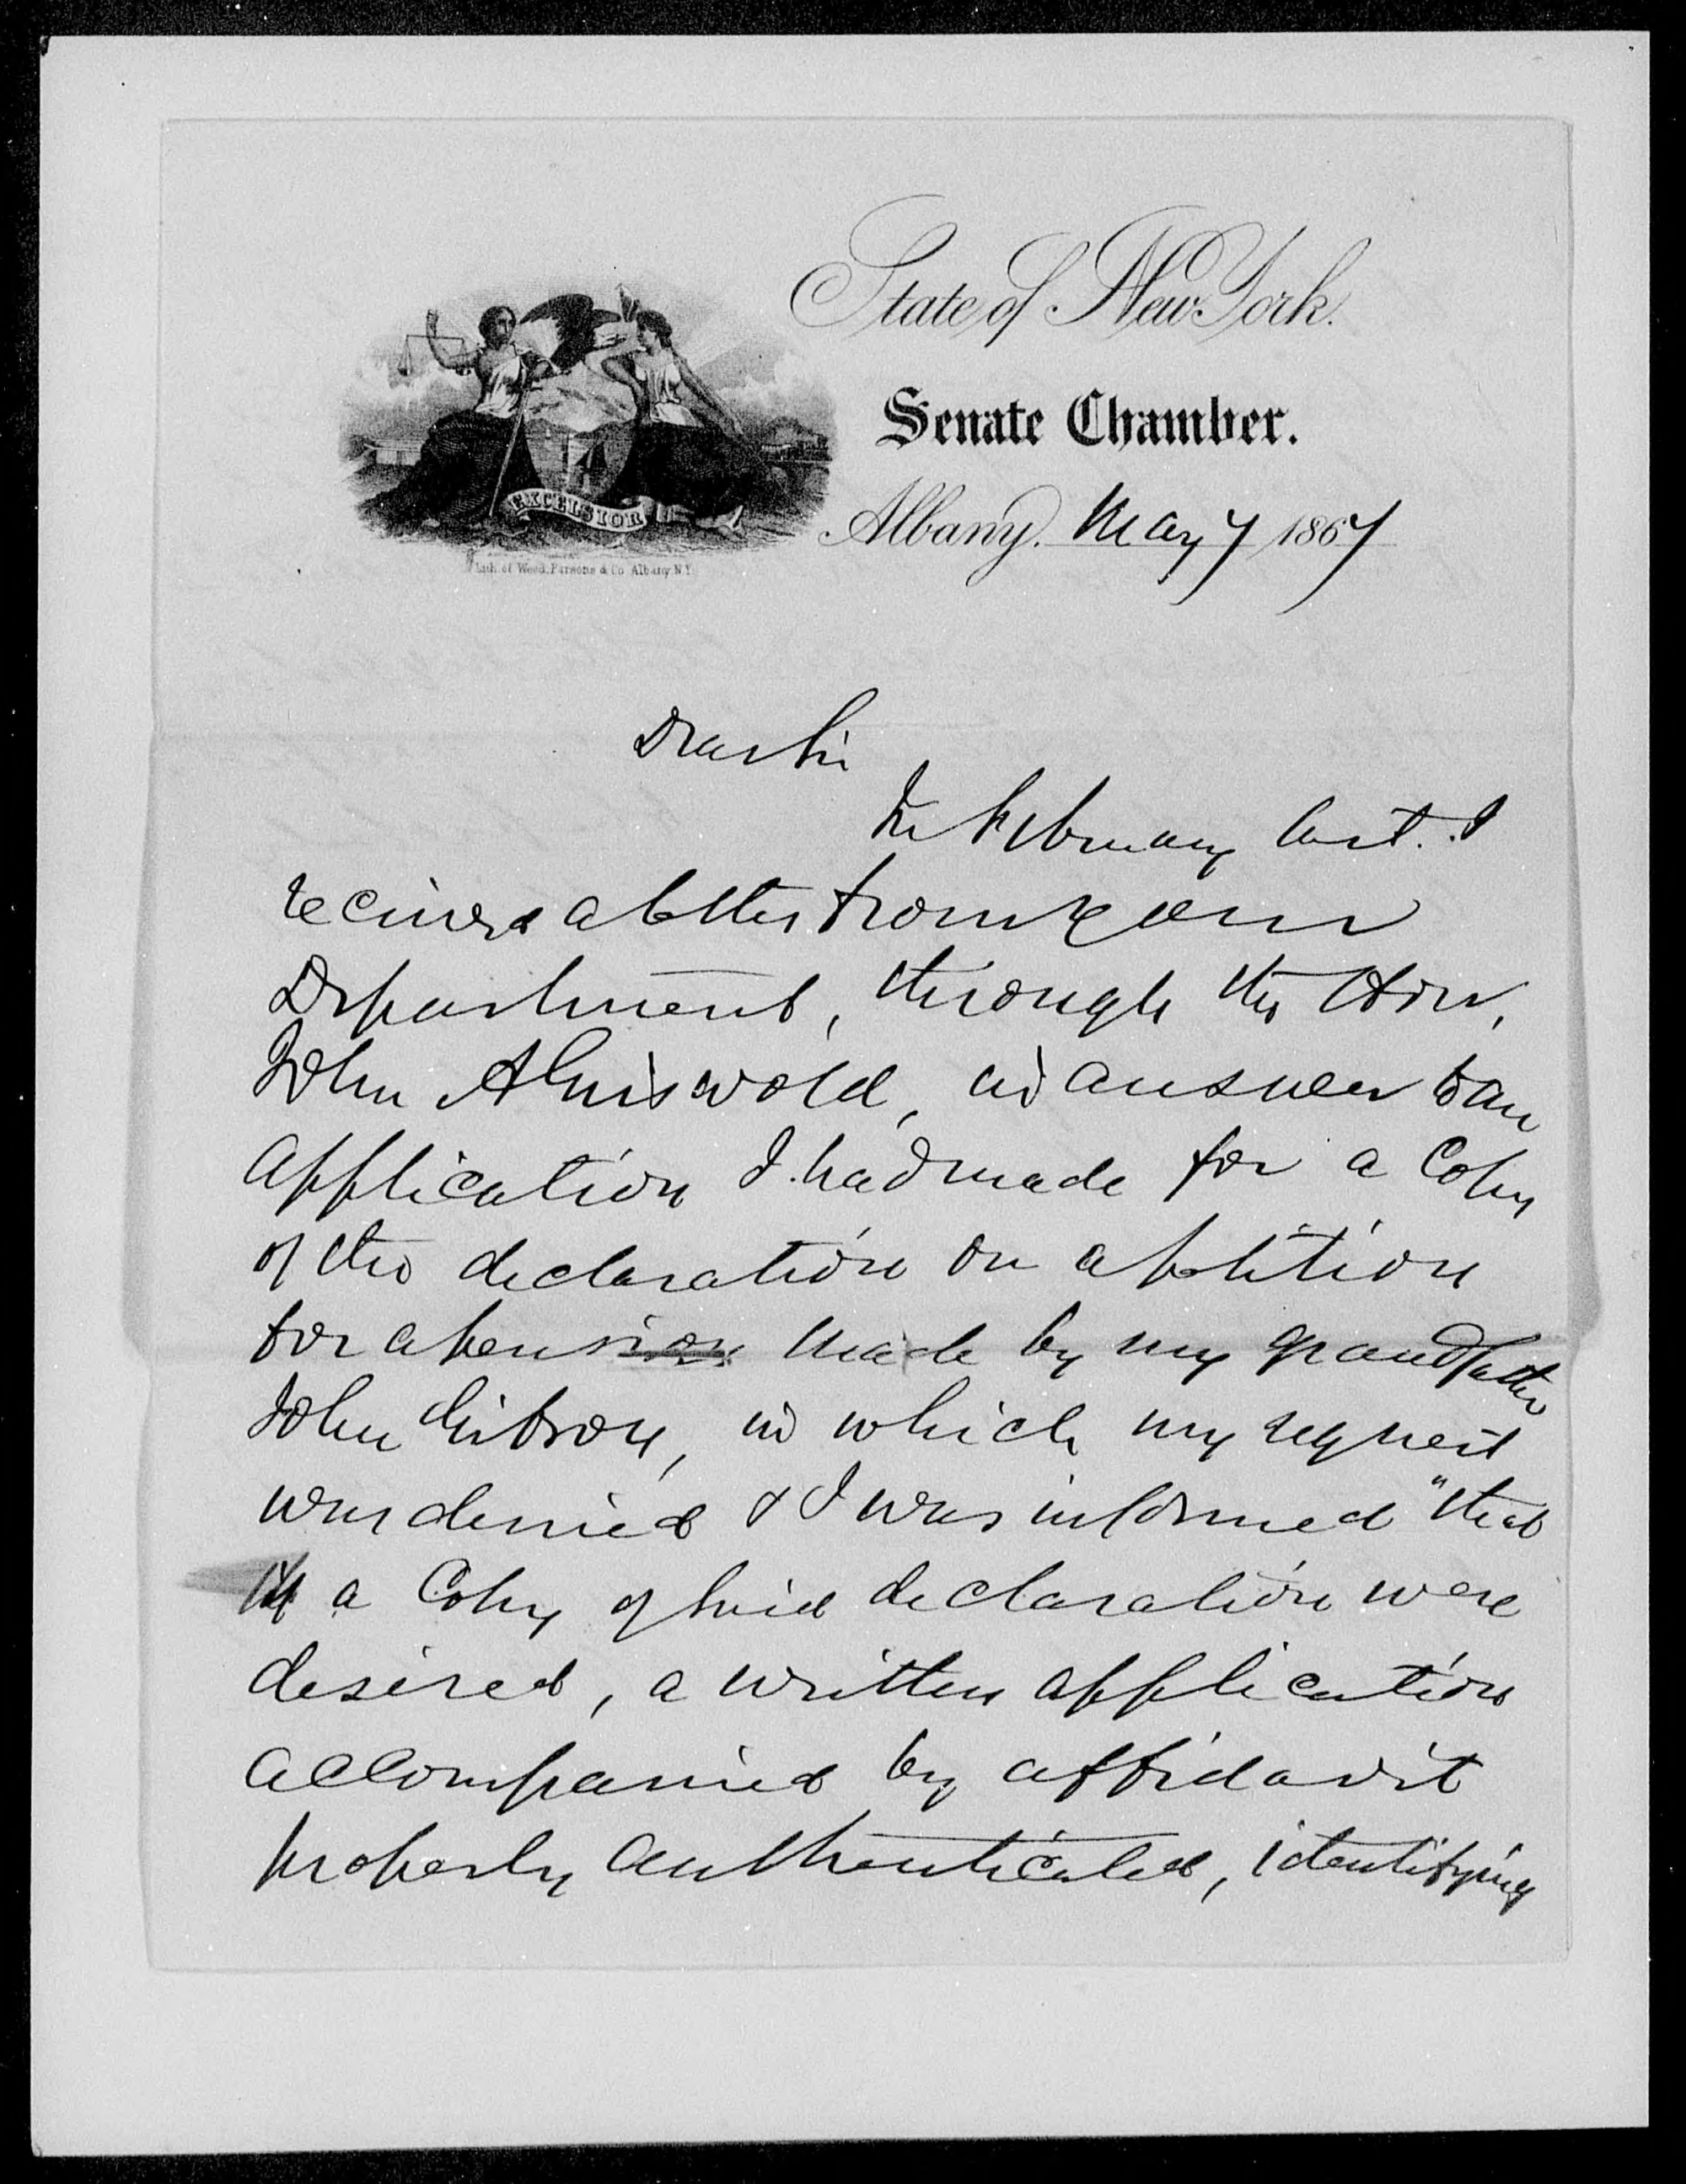State of New York
Senate Chamber.
Albany May 7 1867

Dear Sir
 In February last I received a letter from your Department, through the [illegible] John A Griswold, a answer to an application I had made for a copy of the declaration or a petition for a [hearing?] made by my grandfather John Gibson, in which my request was denied & I was informed "that if a copy of his declaration were desired, a written application accompanied by affidavit properly authenticated, identifying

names: John A Griswold, John Gibson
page: 24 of 32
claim: survivor's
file: S. 34899, John Gibson, R.I.